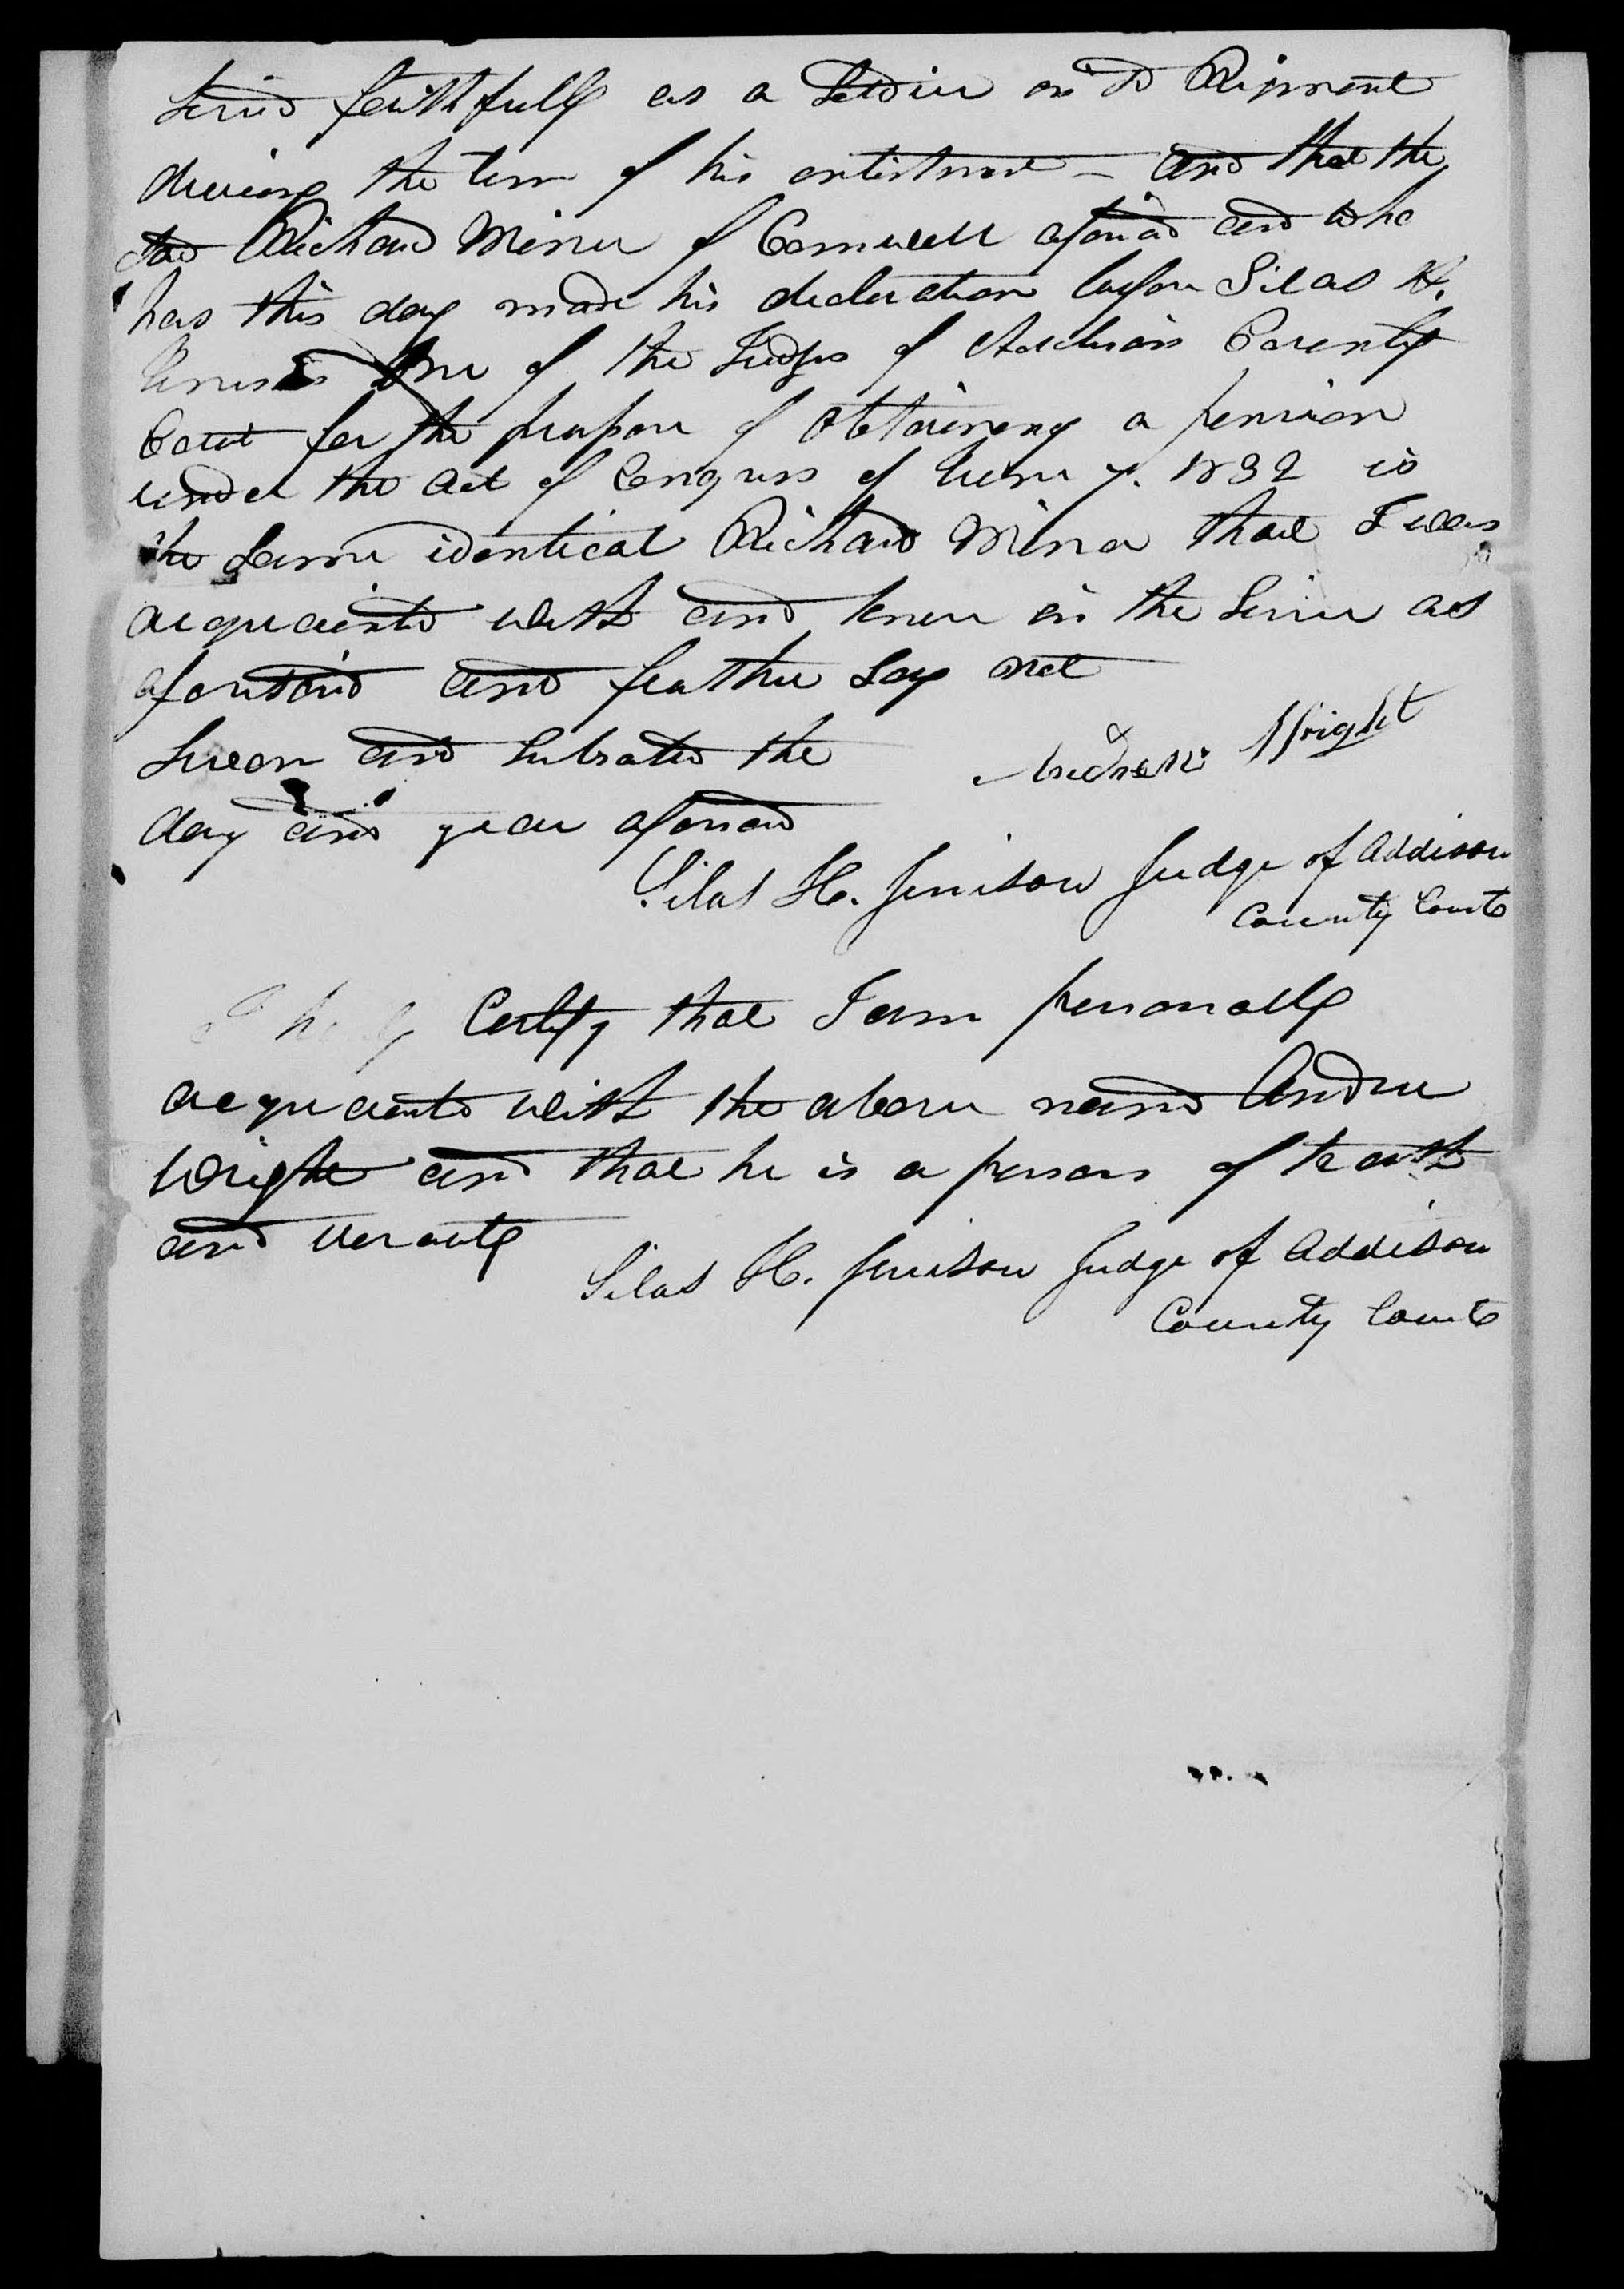Served faithfully as a Soldier in the Regiment during
the time of his enlistment and that the said
Richard Miner of Cornwall aforesaid and who
has this day made his declaration for Silas H.
 one of the Judges of Addison County
[illegible] for the purpose of obtaining a pension
under the act of Congress of June 7 1832
is
the same identical Richard Miner that I was
acquainted with and know in the [illegible]  as
aforesaid and farther [illegible] [illegible] [illegible] and [illegible] the
day and year aforesaid
Andrew Wright
Silas H Jenison Judge of Addison
County Courts
I hereby certify that I am personally
acquainted with the above named Andrew
Wright and that he is a person of [illegible] 
and [illegible] 
Silas H Jenison Judge of Addison
County Court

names: Andrew Wright; Richard Miner; Silas H Jenison; Andru Wright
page: 25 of 34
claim: survivor's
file: S. 13944, for Richard Miner, Massachusetts